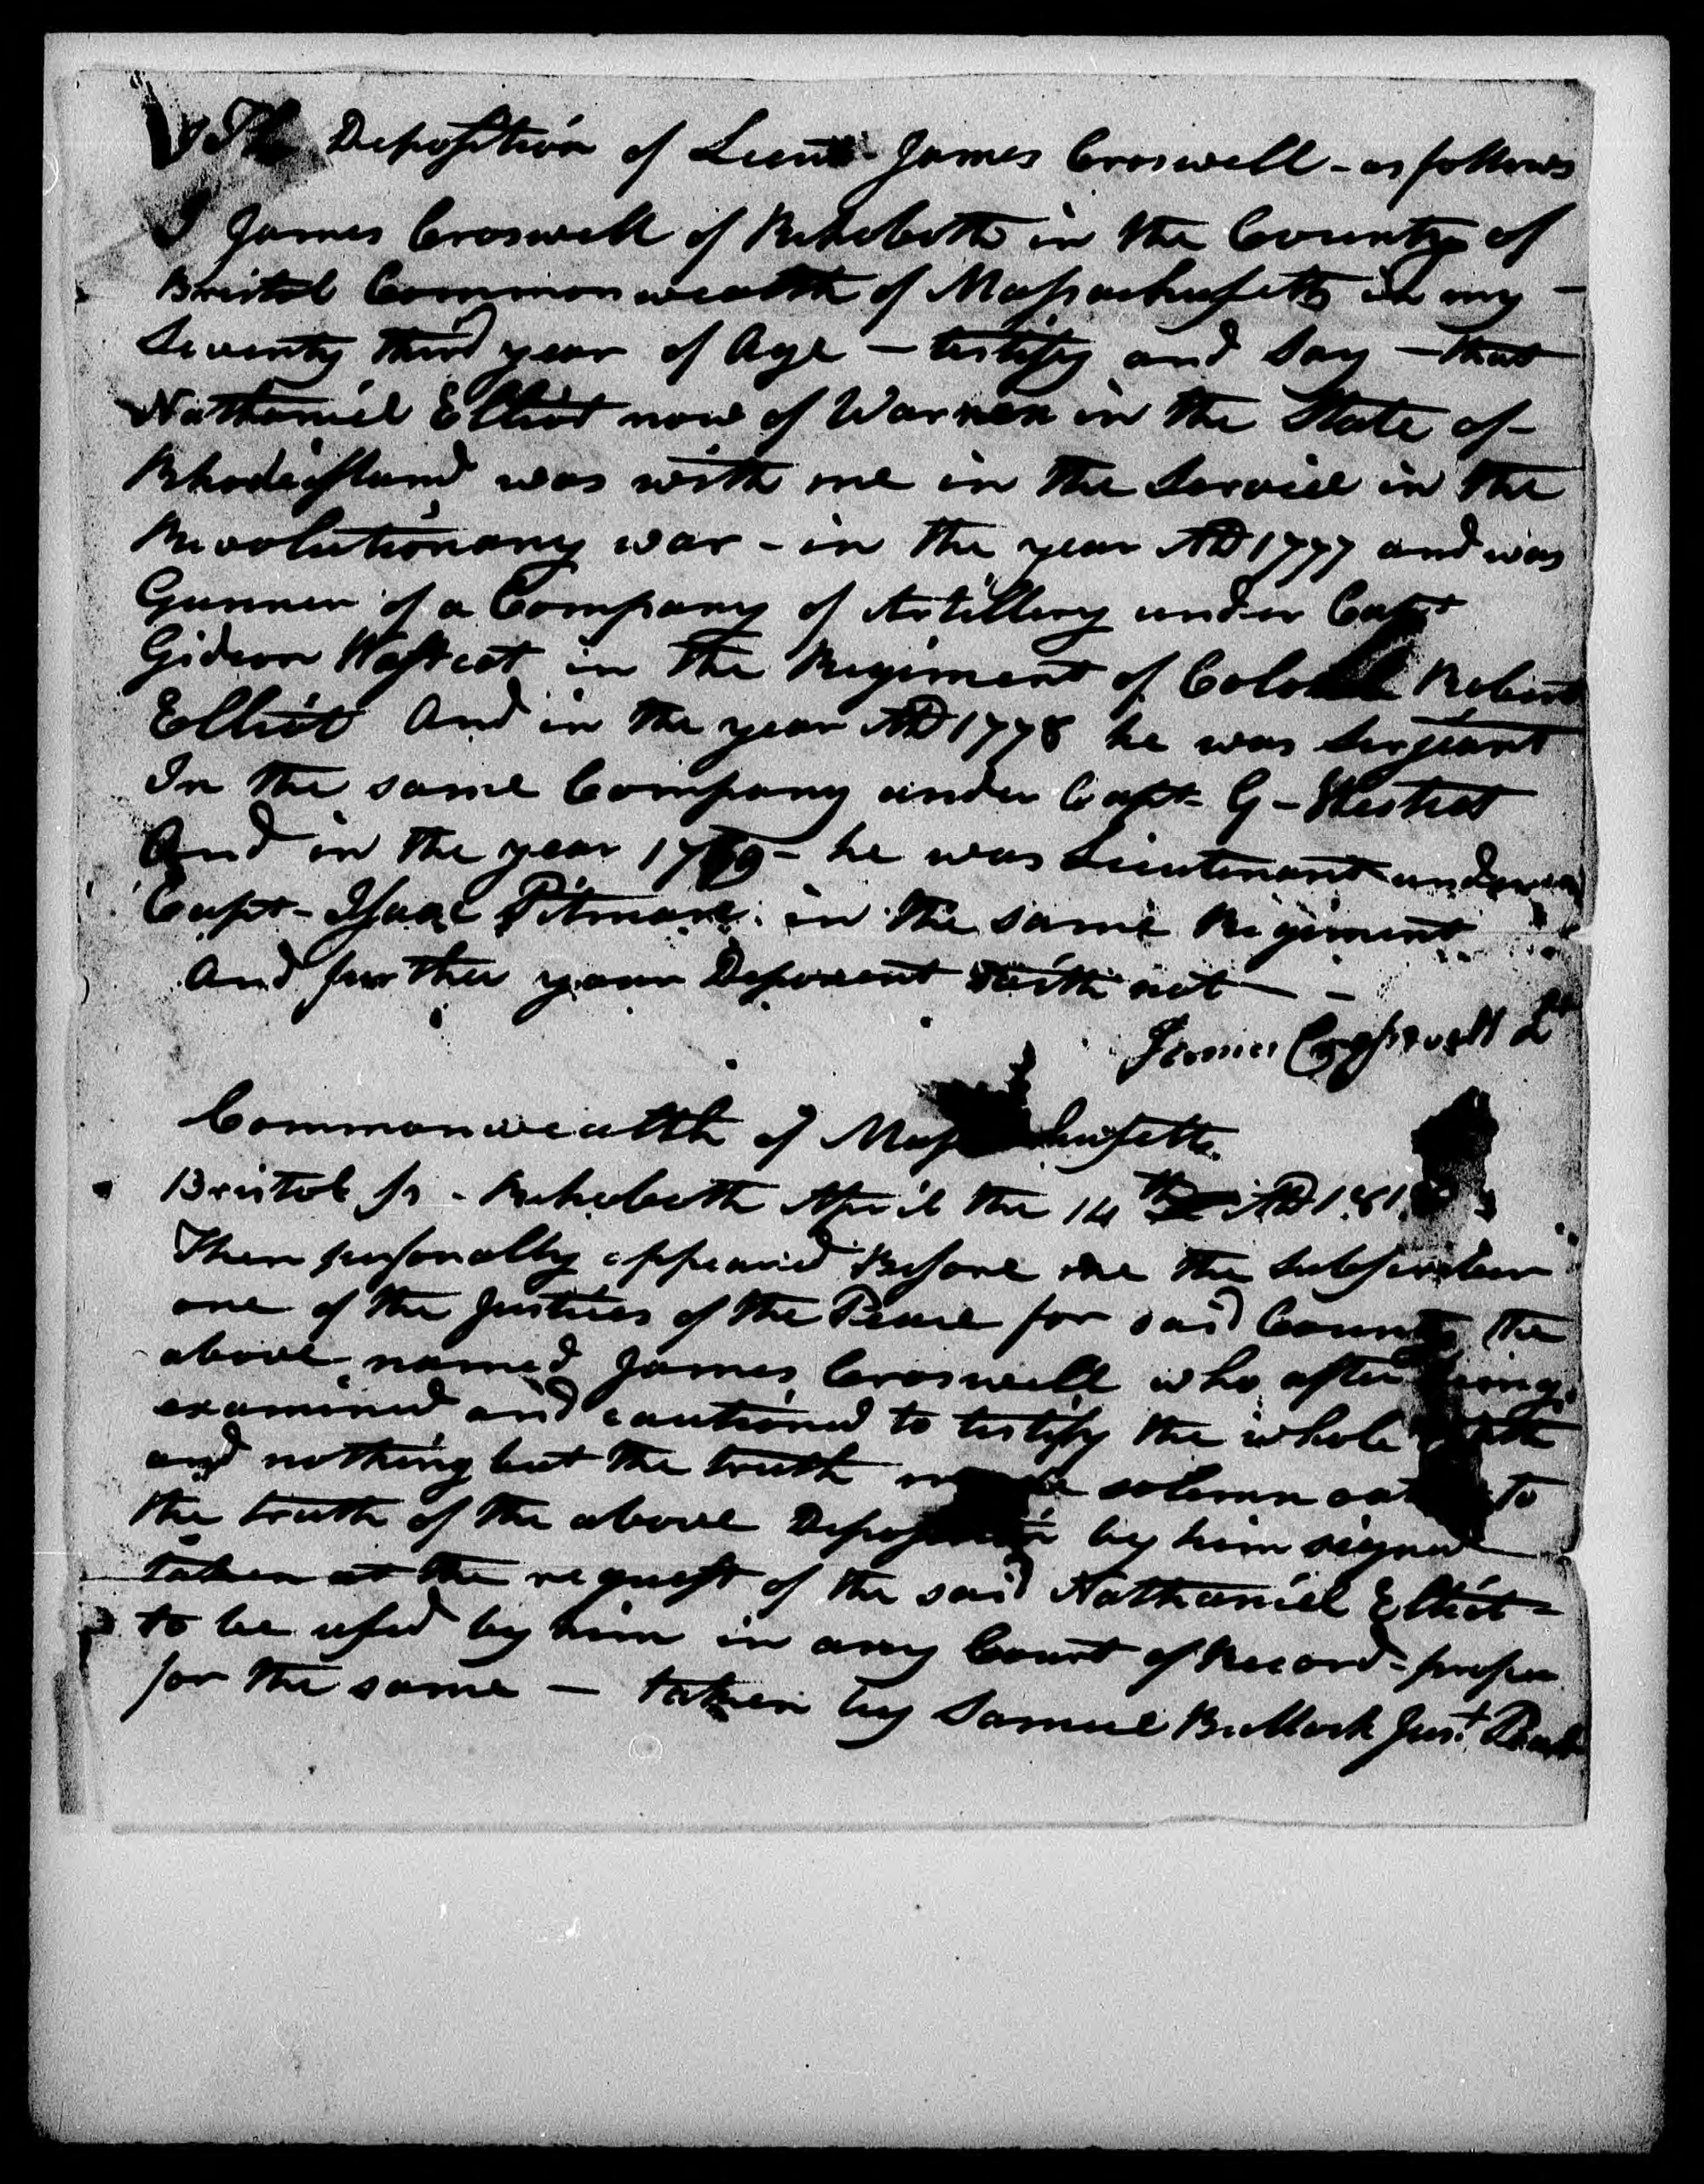The Deposition of Jieut. James Croswell as follows. I James Croswell of Rehoboth in the County of Bristol Commonwealth of Massachusetts in my Seventy third year of age. testify and say. that Nathaniel Elliot now of Warren in the State of Rhodeisland was with me in the Service in the Revolutionary war in the year AD 1777 and was Gunner of a Company of Artillary under Capt. Gideon Wetcot in the Regiment of Colonol Robert Elliot and in the year AD 1778 he was Sergeant. In the same Company under Capt. G. Westcot. And in the year 1789 he was Lieutenant [illegible] Capt. Isaac Pitman in the same Regiment and further your Deponent saith not. James Croswell 

Commonwealth of Massachusetts. Bristol, Ss. Rehoboth April the 14th AD 1818 The personally appeared Before me the Subscriber one of the Justices of the Peace for said County the above named James Croswell who after being examined and cautioned to testify the who truth and nothing but the truth made solemn oath to the truth of the above deposition by him signed taken at the request of the said Nathaniel Elliot to be used by him in any Court of Record proper for the same. Taken by Samuel B Mork Just. Peace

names: Robert Elliot, Nathaniel Elliot, Isaac Pitman, James Croswell, James Croswell, Nathaniel Elliot, Samuel B Mork, James Croswell, G Westcot, James Croswell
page: 19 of 29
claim: survivor's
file: S. 38679, Nathaniel Elliot, Continental R.I.